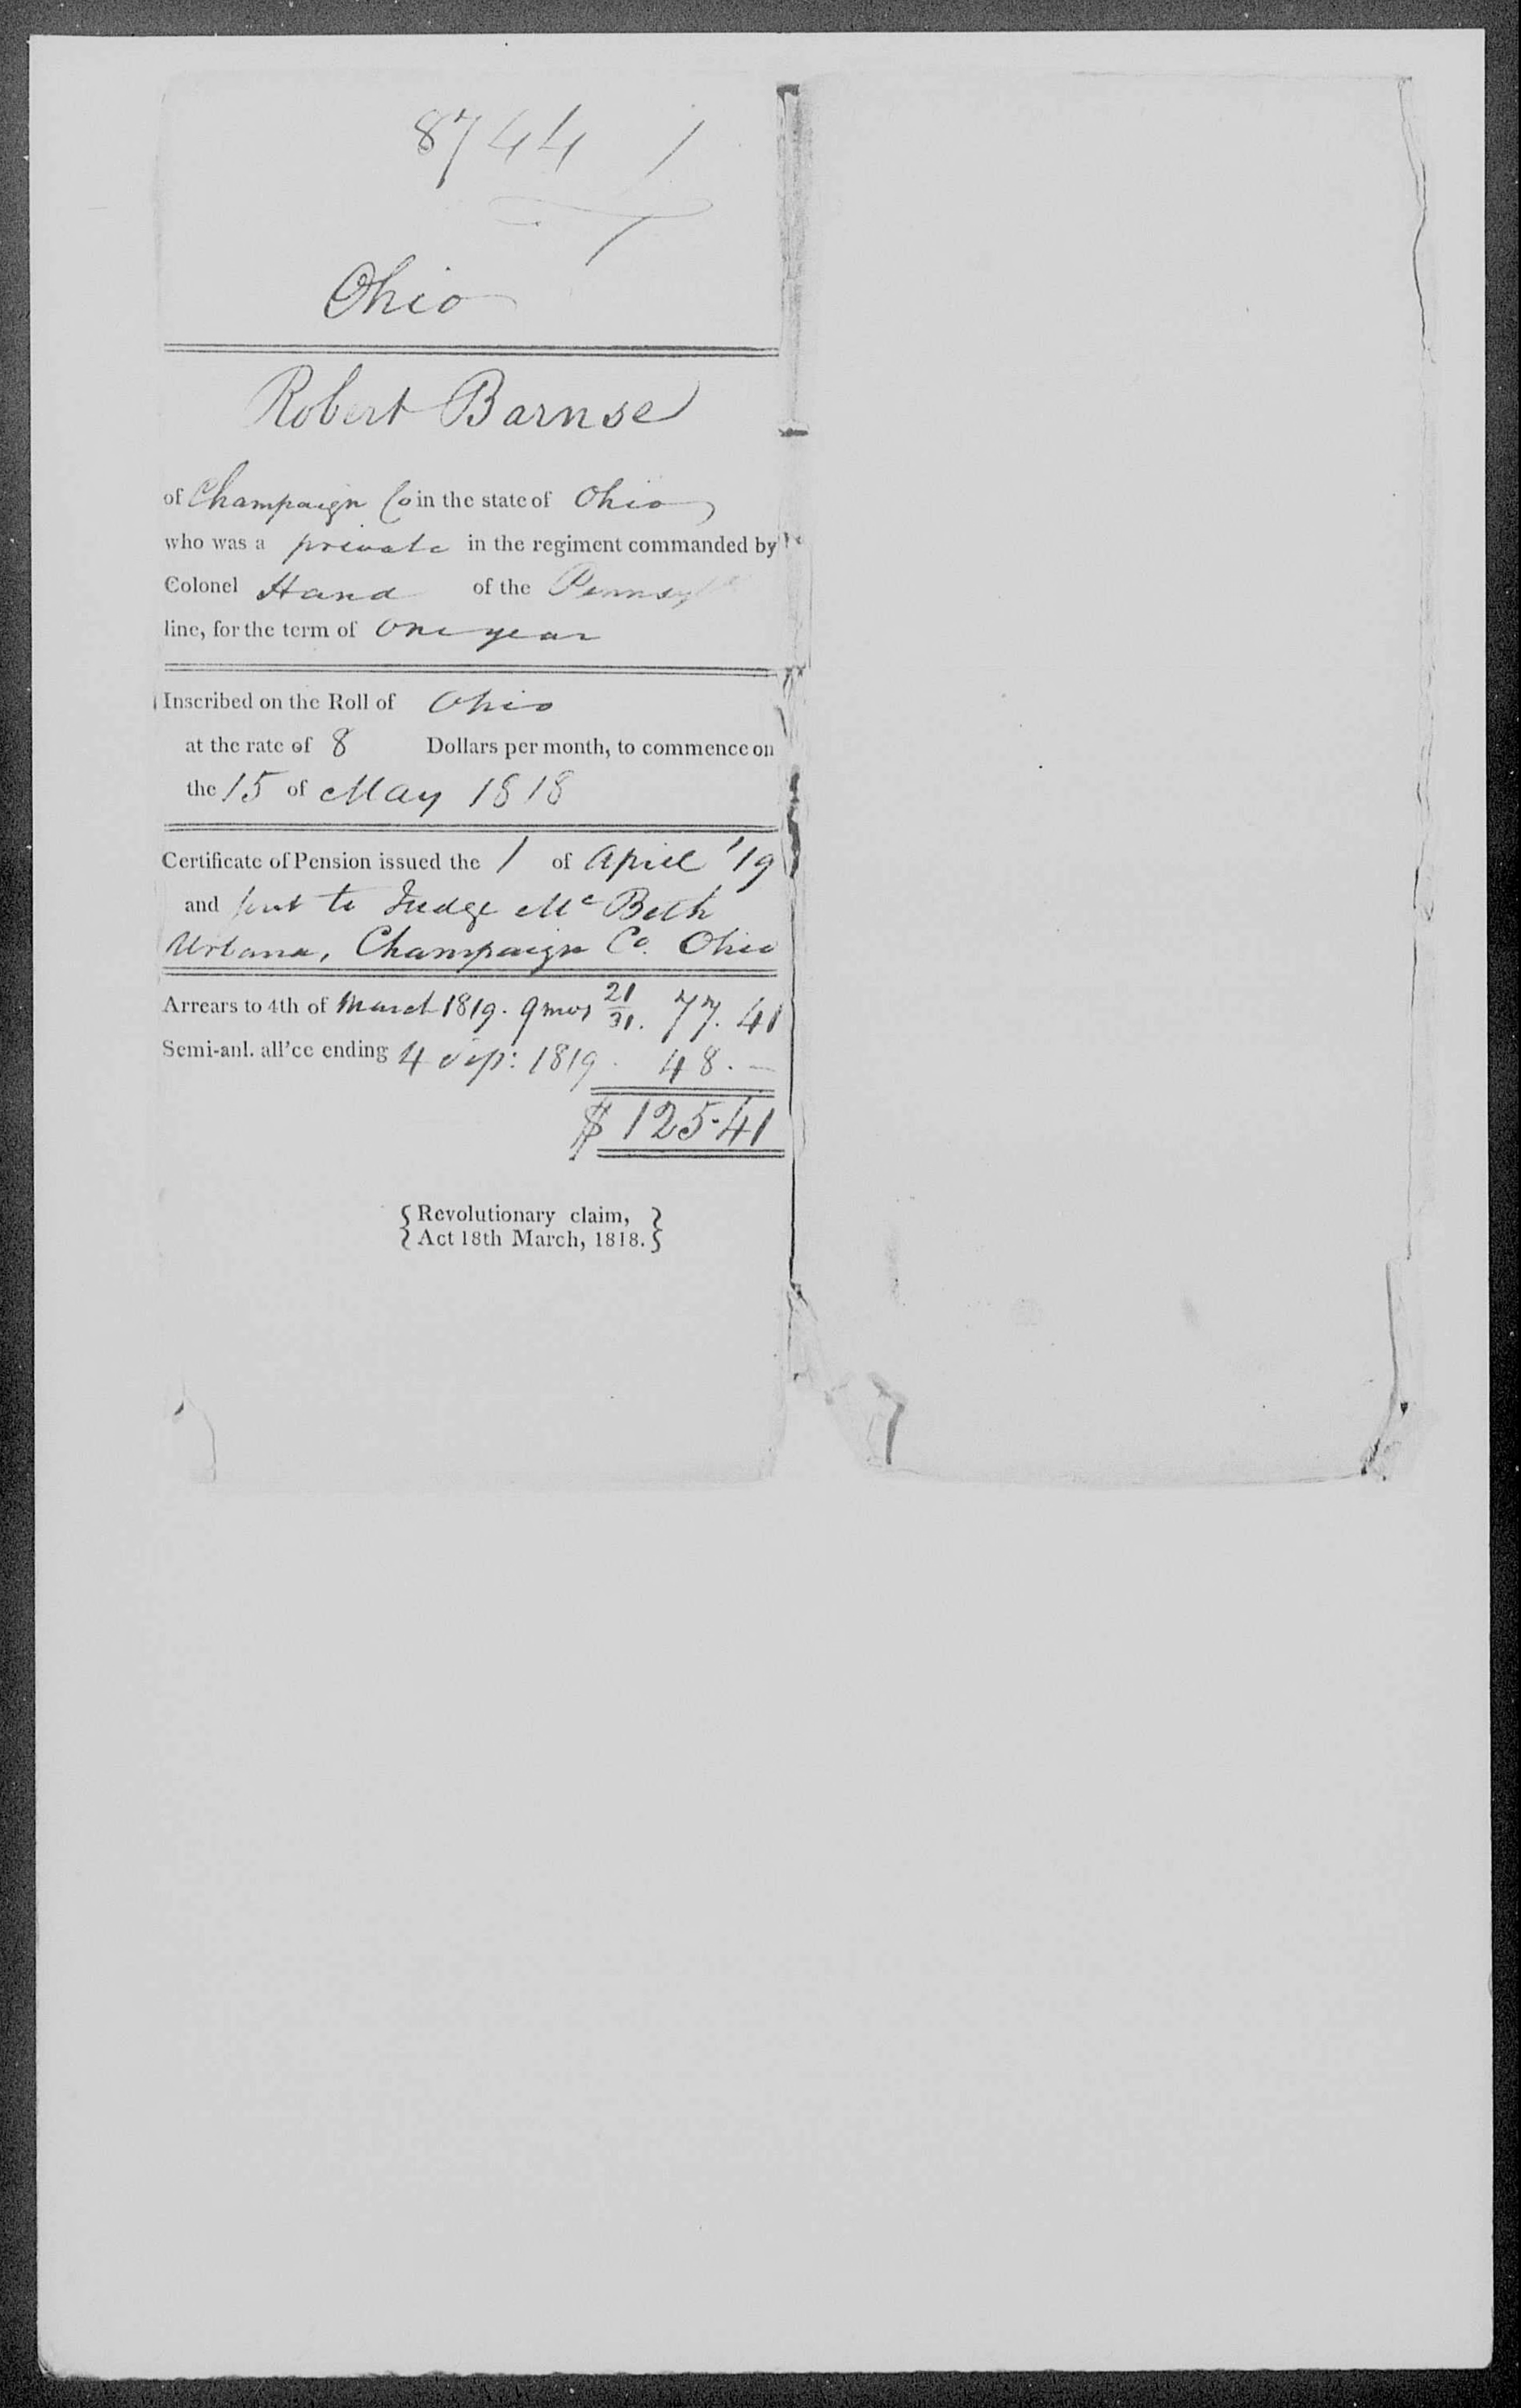8744
Ohio
Robert Barnse
of Champaign Co in the state of Ohio
who was a private in the regiment commanded by
Colonel Hand of the Pennsyl
line, for the term of one year
-
Inscribed on the Roll of Ohio
at the rate of 8
Dollars per month, to commence on
the 15 of May 1818
Certificate of Pension issued the 1 of April '19
and sent to Judge McBeth
Urbana, Champaign Co. Ohio
-
Arrears to 4th of March 1819. 9 mos 21/31 77.41
Semi-anl. all'ce ending 4 Sep: 1819. 48.-
$125.41
Revolutionary claim,
Act 18th March, 1818.}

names: Hand, Mc Beth, Robert Barnse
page: 2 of 9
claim: survivor's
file: S. 45240, Robert Barnse, Continental Penn.